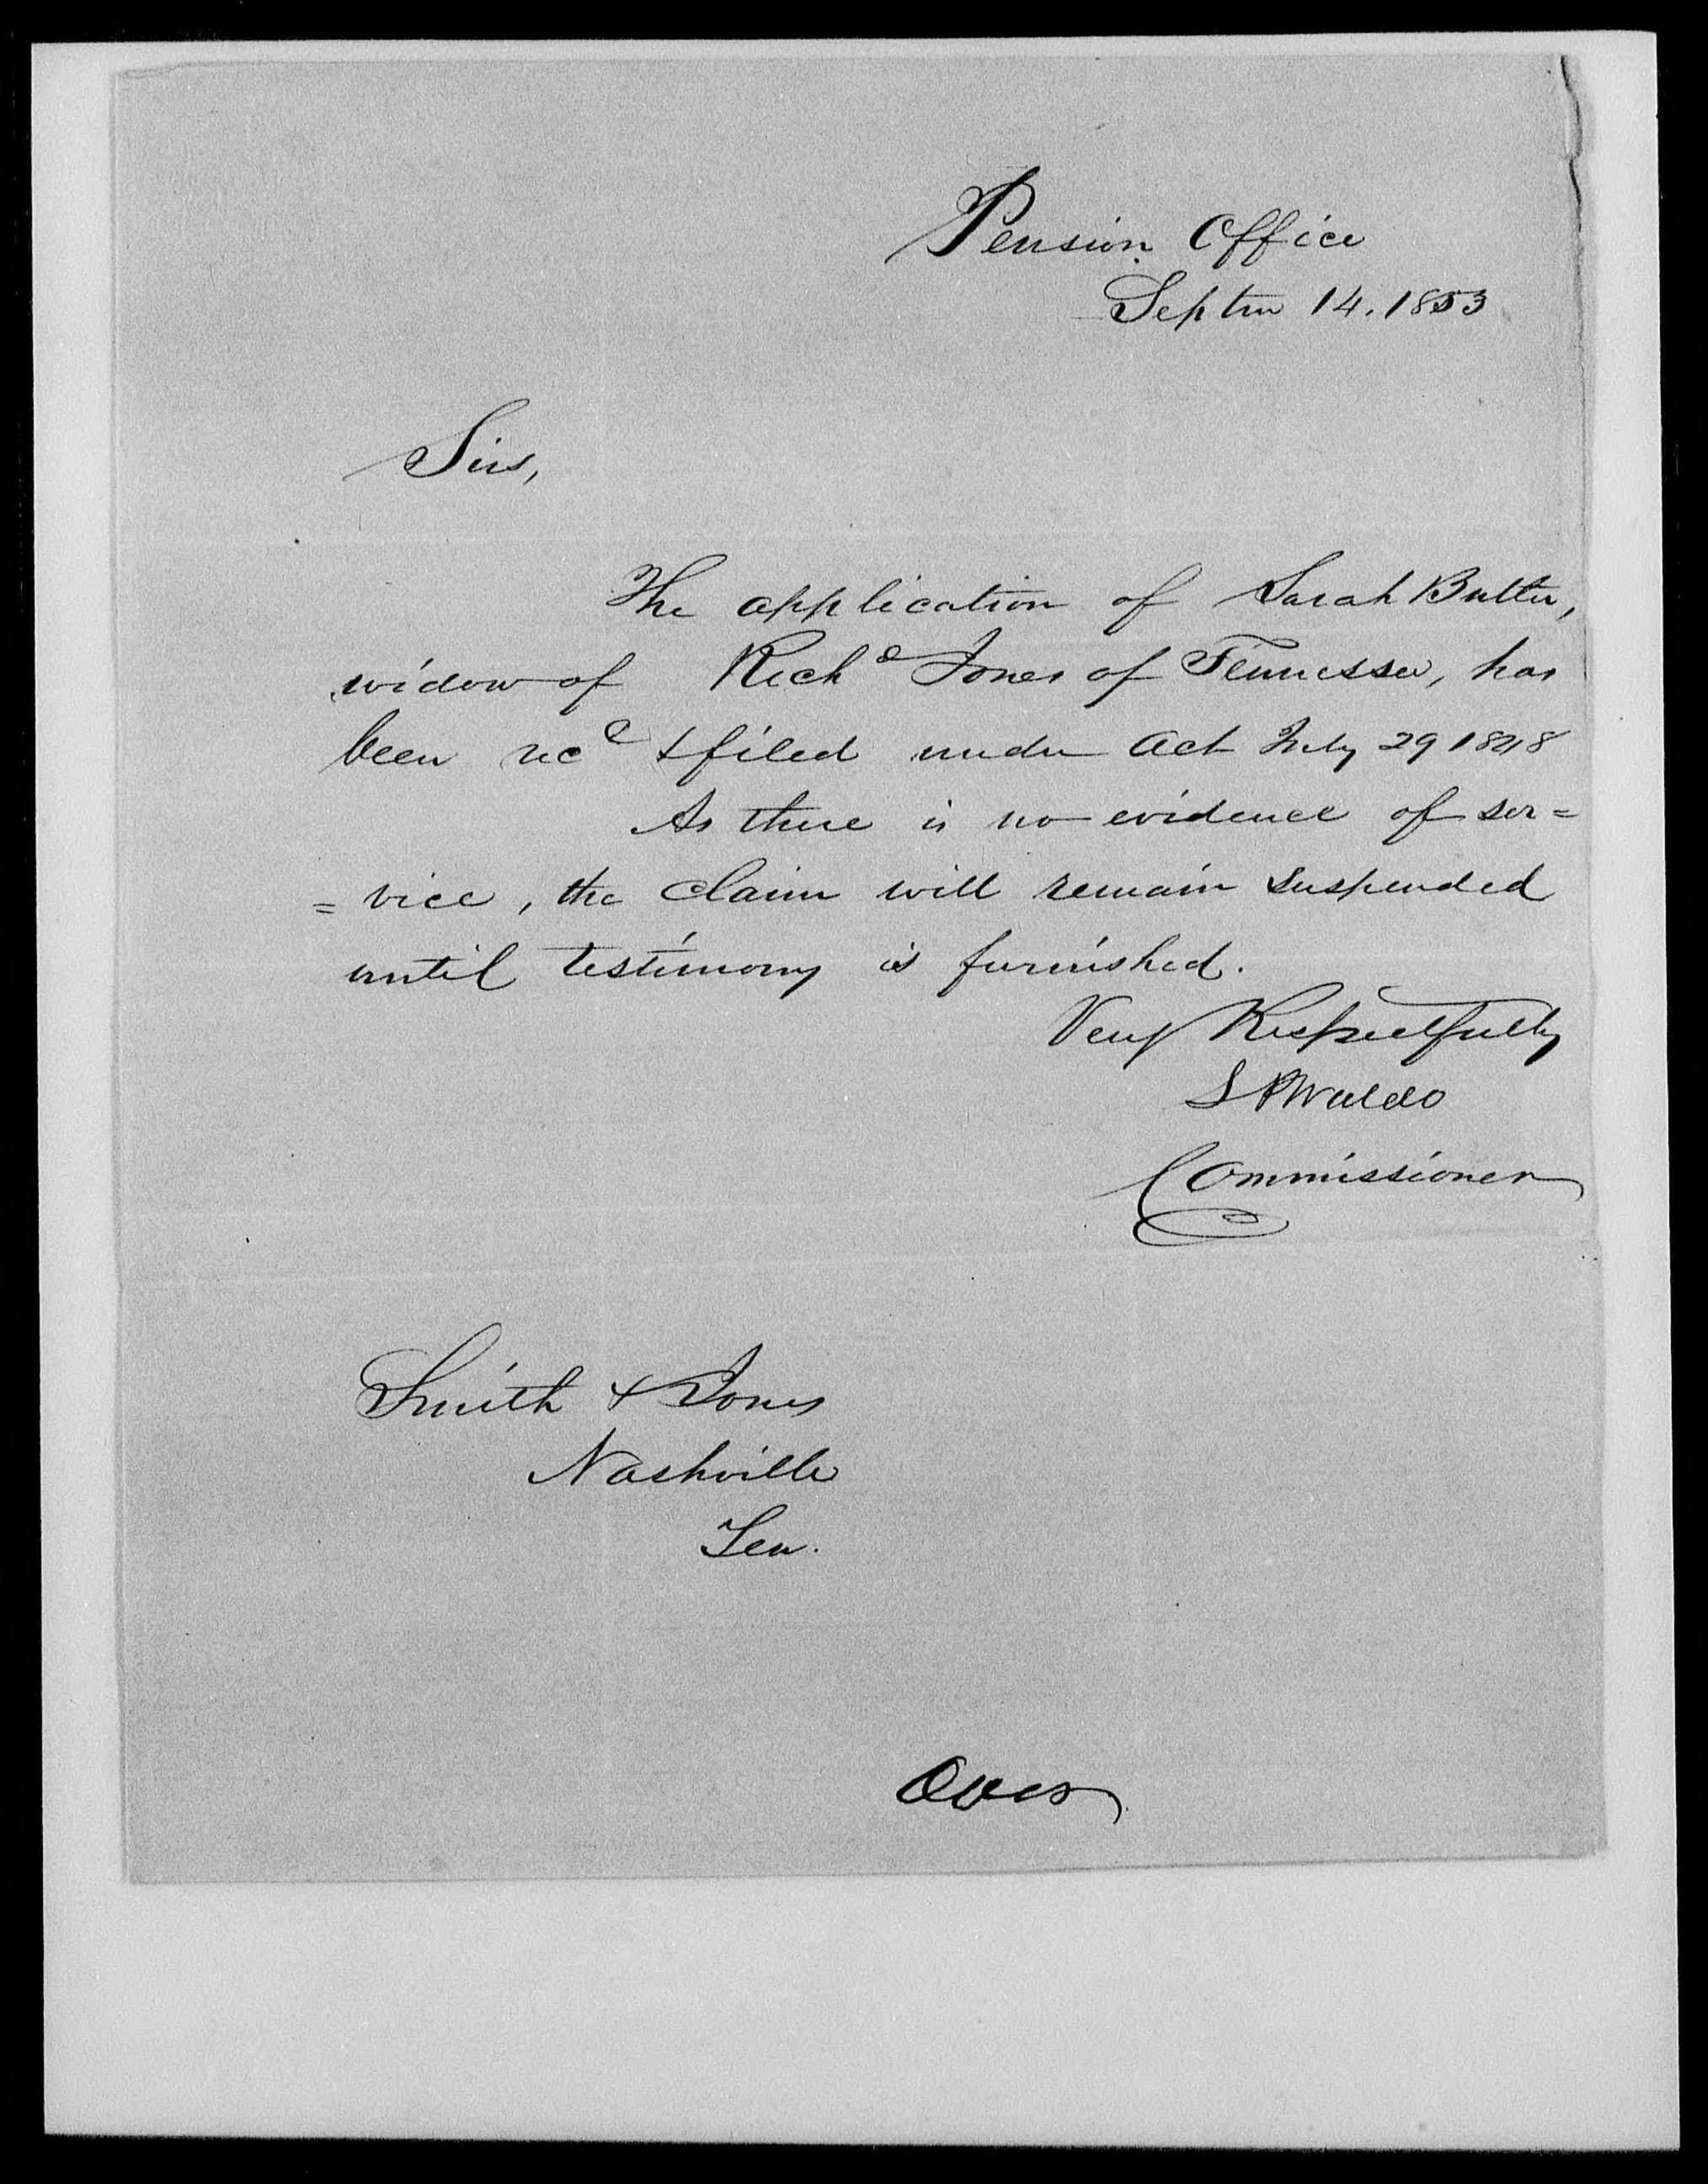Pension Office
Septr 14, 1853

Sirs,

The application of Sarah Butler,
widow of Richd Jones of Tennessee, has 
been recd & filed under Act July 29 1848
As there is no evidence of 
service, the claim will remain suspended
until testimony is furnished.

Very Respectfully
L P Waldo
Commissioner



Smith & Jones
Nashville
Ten.


over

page: 19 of 33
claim: rejected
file: R. 1554, for Richard Jones, North Carolina